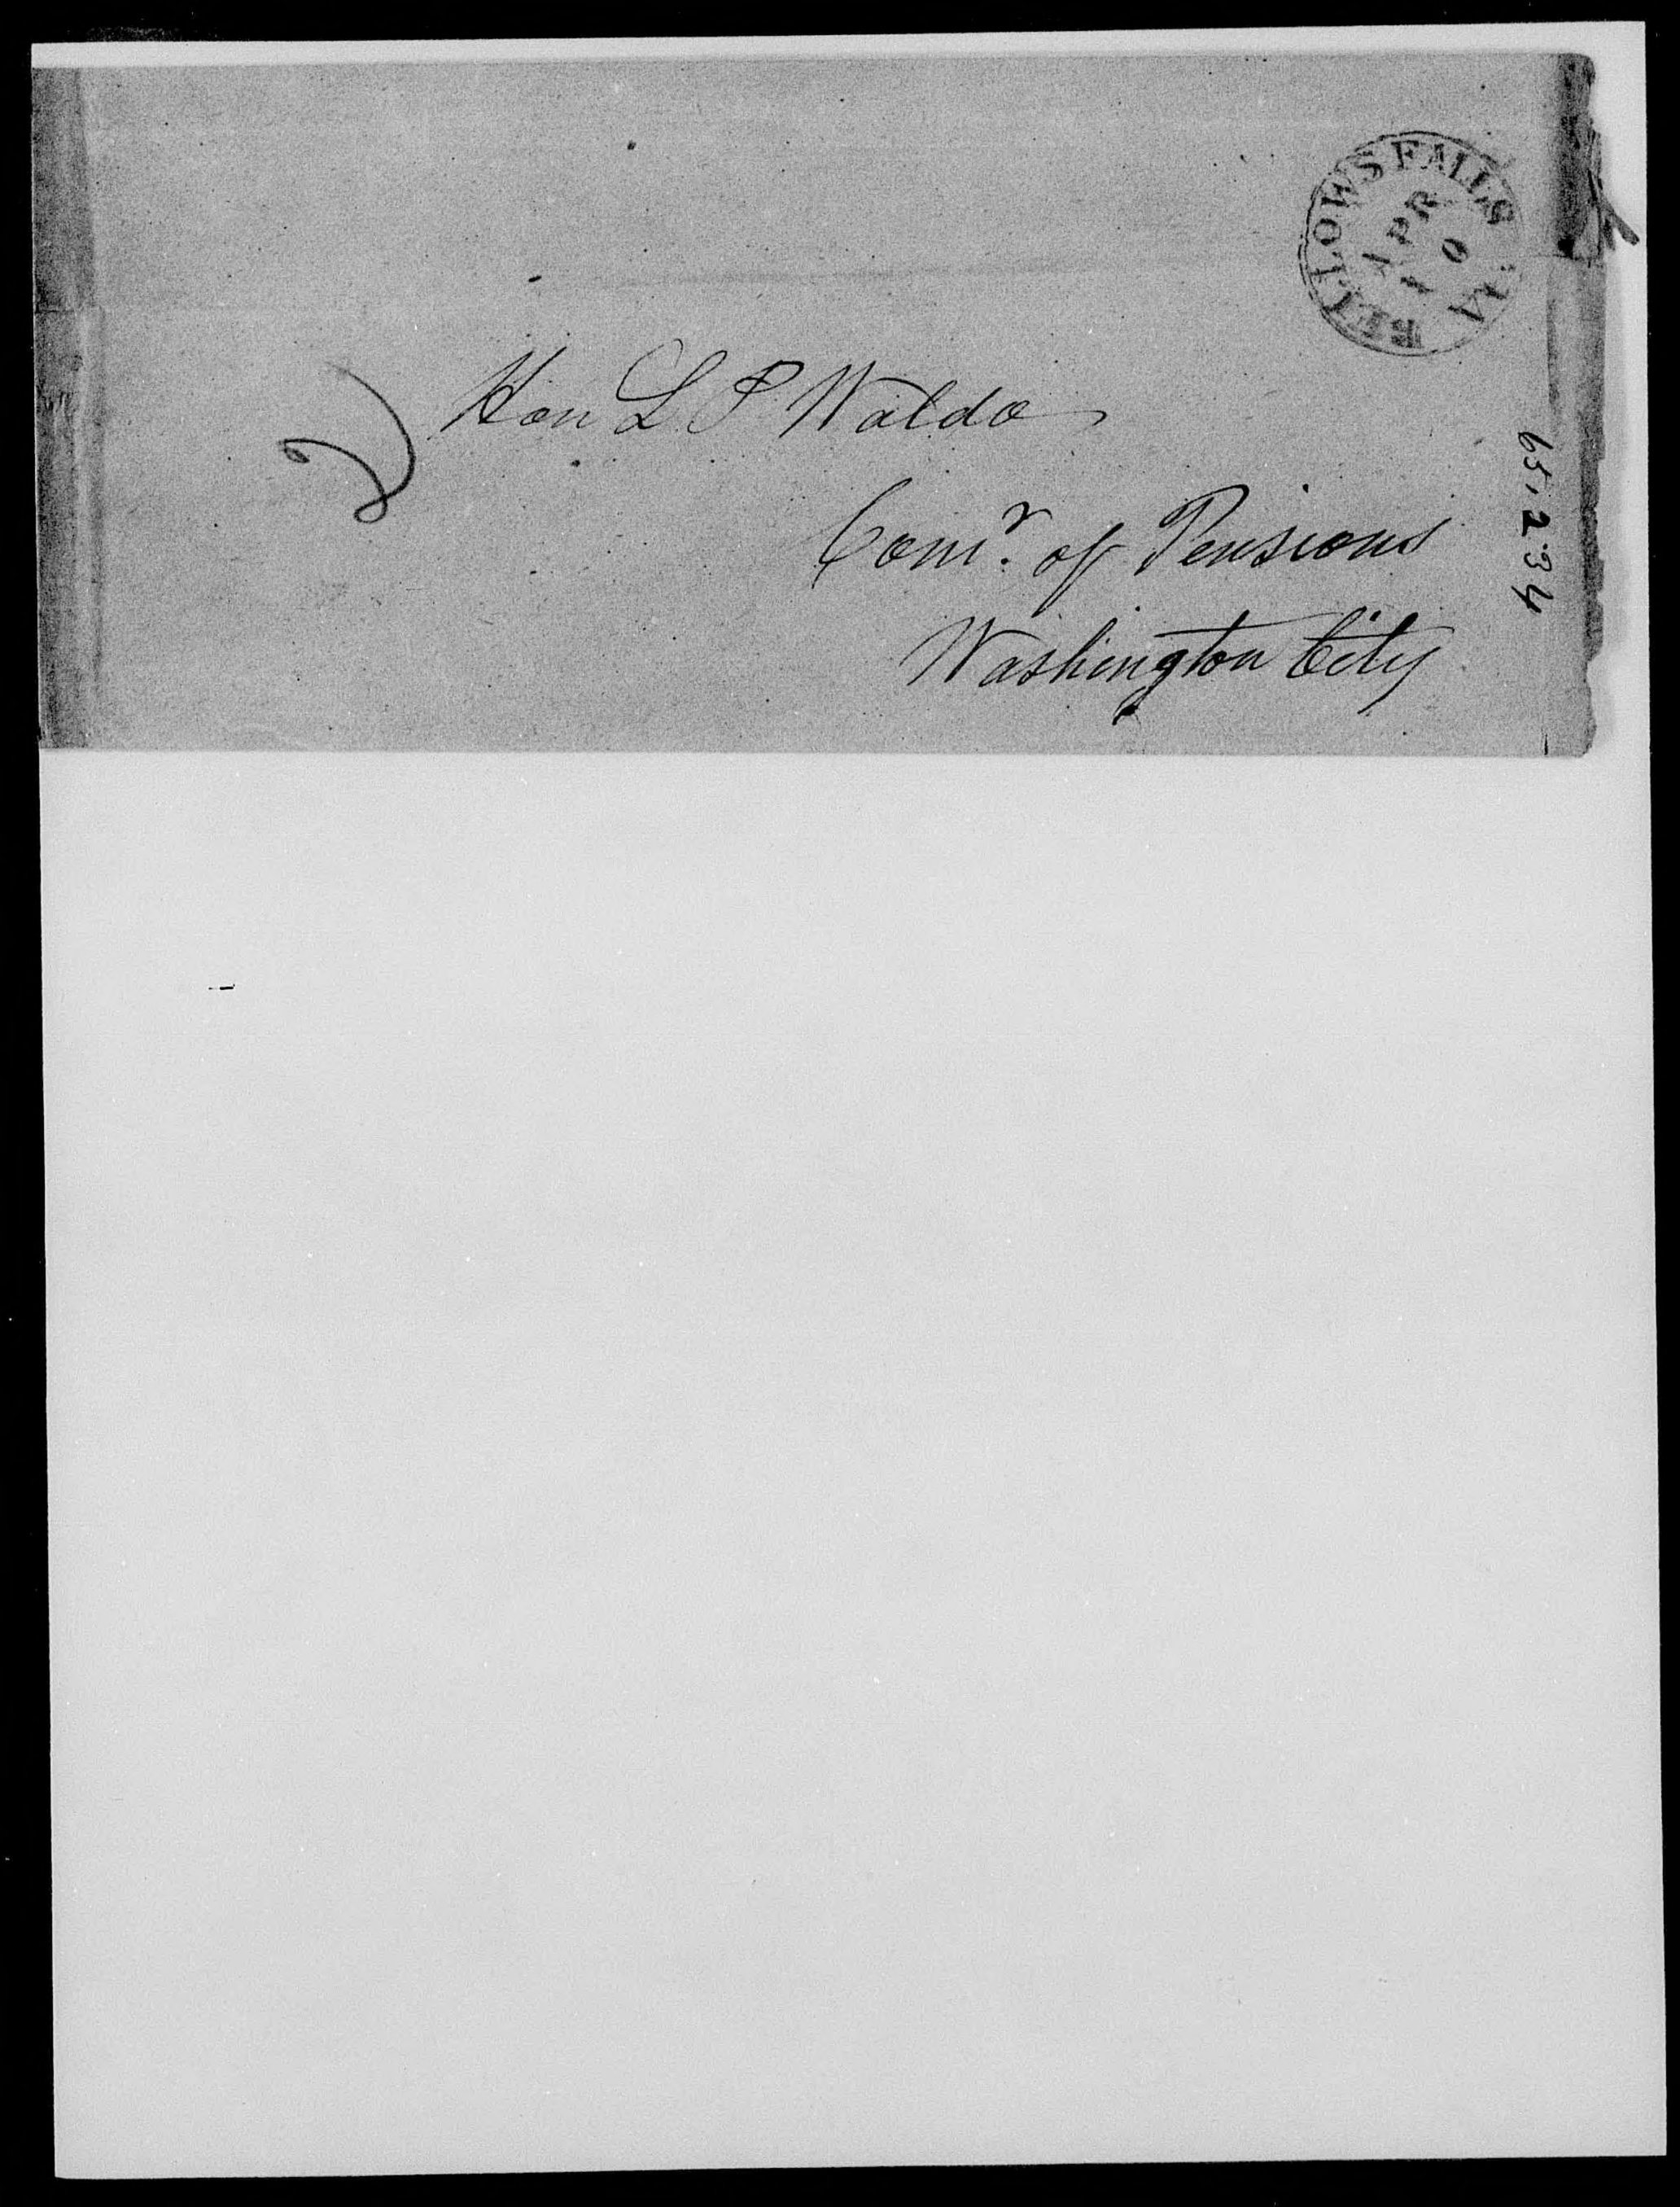Hon L P Waldo
Comr. of Pensions
Washington City

[stamped: BELLOWS FALLS Vt. APR 10]

65-234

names: L P Waldo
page: 30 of 49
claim: widow's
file: W. 2164, for George Porter, Massachusetts